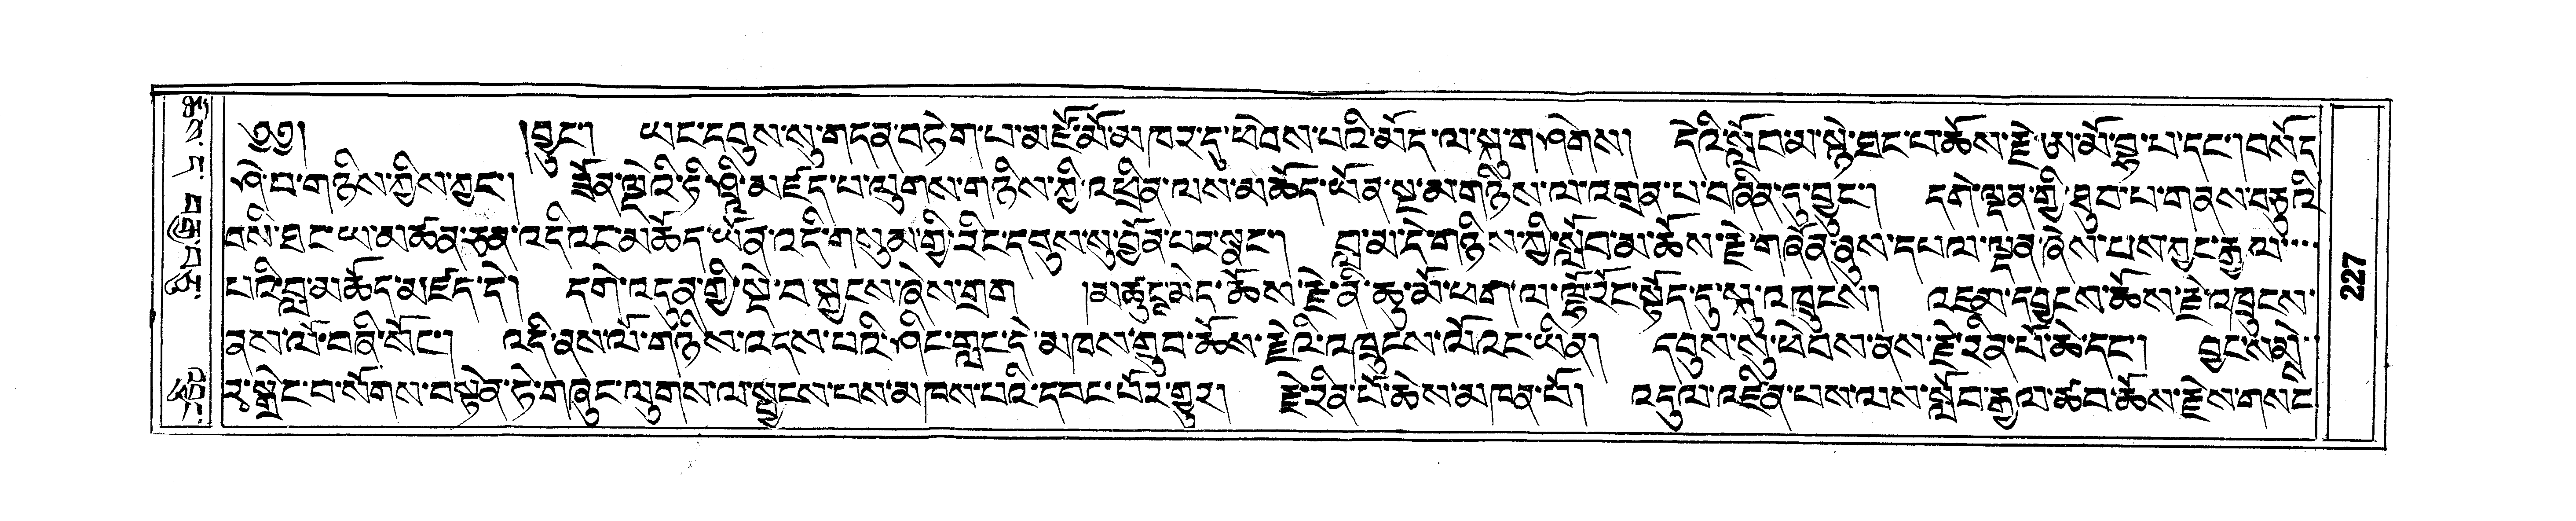༄༅། །བྱུང་། ཡང་དབུས་སུ་གདན་བཏེག་པ་མཛོ་མོ་མཁར་དུ་ཕེབས་པའི་མདོ་ལ་སྐུ་གཤེགས། དེའི་སློབ་མ་སྙེ་ཐང་པ་ཆོས་རྗེ་ཨ་མོ་བྷ་པ་དང་། བསོད་
ཤེ་བ་གཉིས་ཀྱིས་ཀྱང་། ཟོན་ལྡེའི་ཏི་ཤྲཱི་མཛད་པ་ལུགས་གཉིས་ཀྱི་འཕྲིན་ལས་མཆོད་ཡོན་སྔ་མ་གཉིས་ལ་འགྲན་པ་བཞིན་དུ་བྱུང་། དགེ་ལྡན་གྱི་ཐུབ་པ་གནས་བཅུའི་
བསི་ཐང་ཡ་མཚན་ཅན་འདིའང་མཆོད་ཡོན་འདི་གསུམ་གྱི་རིང་དབུས་སུ་བྱོན་པར་སྣང་། བླ་མ་དེ་གཉིས་ཀྱི་སློབ་མ་ཆོས་རྗེ་གཞོན་ནུས་དཔལ་ལྡན་ཞེས་པས་ཀྱང་རྒྱལ་
པའི་བླ་མཆོད་མཛད་དེ། དགེ་འདུན་གྱི་སྡེ་བསྐྱངས་ཞེས་གྲག །མཚུངས་མེད་ཆོས་རྗེ་ནི་ཆུ་མོ་ཕག་ལ་ལྷོ་རོང་སྟོད་དུ་སྐུ་འཁྲུངས། འཇམ་དབྱངས་ཆོས་རྗེ་འཁྲུངས་
ནས་ལོ་བཞི་སོང་། འདི་ནས་ལོ་གཉིས་འདས་པའི་ཤིང་གླང་དེ་མཁས་གྲུབ་ཆོས་རྗེའི་འཁྲུངས་ལོའང་ཡིན། དབུས་སུ་ཕེབས་ནས་རྗེ་རིན་པོ་ཆེ་དང་། བྱང་སེམས་
རྭ་སྒྲེང་བ་སོགས་བསྟེན་ཏེ་གཞུང་ལུགས་ལ་སྦྱངས་པས་མཁས་པའི་དབང་པོར་གྱུར། རྗེ་རིན་པོ་ཆེས་མཁན་པོ། འདུལ་འཛིན་པས་ལས་སློབ་རྒྱལ་ཚབ་ཆོས་རྗེས་གསང་